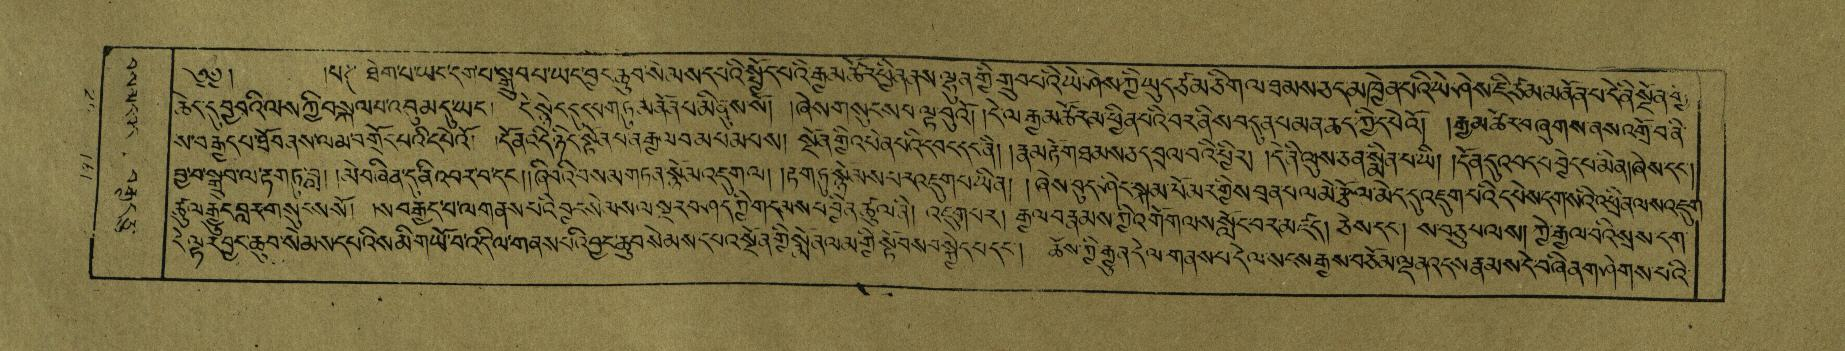༄༅། །པ༑ ཐེག་པ་ཡང་དག་པ་སྒྲུབ་པ་ཡང་བྱང་ཆུབ་སེམས་དཔའི་སྤྱོད་པའི་རྒྱ་མཚོར་ཕྱིན་ནས་ལྷུན་གྱི་གྲུབ་པའི་ཡེ་ཤེས་ཀྱི་ཡུད་ཙམ་ཅིག་ལ་ཐམས་ཅད་མཁྱེན་པའི་ཡེ་ཤེས་ཇི་ཙམ་མནོན་པ་དེ་ནི་སྔོན་གྱི་
ཆེད་དུ་བྱ་བའི་ལས་ཀྱི་བསྐལ་པ་འབུམ་དུ་ཡང་། དེ་སྙེད་དུ་དཔག་ཏུ་མནོན་པ་མི་ནུས་སོ། །ཞེས་གསུངས་པ་ལྟ་བུའོ། །དེ་ལ་རྒྱ་མཚོར་མ་ཕྱིན་པའི་བར་ནི་ས་བདུན་པ་མན་ཆད་ཀྱི་དཔེའོ། །རྒྱ་མཚོར་བཞུགས་ནས་འགྲོ་བ་ནི་
ས་བརྒྱད་པ་ཐོབ་ནས་ལམ་བགྲོད་པའི་དཔེའོ། །དོན་འདི་ཉིད་སྟོན་པ་ན་རྒྱལ་བ་མ་ཕམ་པས། སྔོན་གྱི་འཕེན་པའི་དབང་དང་ནི། །རྣམ་རྟོག་ཐམས་ཅད་བྲལ་བའི་ཕྱིར། །དེ་ནི་ལུས་ཅན་སྨིན་པ་ཡི། །དོན་དུ་འབད་པ་བྱེད་པ་མིན། ཞེས་དང་།
བྱ་བ་སྒྲུབ་ལ་རྟག་ཏུ་བློ། །མེ་བཞིན་དུ་ནི་འབར་བ་དང་། །ཞི་བའི་བསམ་གཏན་སྙོམ་འཇུག་ལ། །རྟག་ཏུ་སྙོམས་པར་འཇུག་པ་ཡིན། །ཞེས་བུད་ཤིང་སྐམ་པོ་མར་གྱིས་བྲན་པ་ལ་མེ་རྩོལ་མེད་དུ་འཇུག་པའི་དཔེས་དག་སའི་འཕྲིན་ལས་འཇུག་
ཚུལ་རྒྱུད་བླར་གསུངས་སོ། །ས་བརྒྱད་པ་ལ་གནས་པའི་བྱང་སེམས་ལ་སྔར་བཤད་ཀྱི་གདམས་པ་བྱིན་ཚུལ་ནི། འཇུག་པར། རྒྱལ་བ་རྣམས་ཀྱི་འགོག་ལས་སློང་བར་མཛད། ཅེས་དང་། ས་བཅུ་པ་ལས། ཀྱེ་རྒྱལ་བའི་སྲས་དག་
དེ་ལྟར་བྱང་ཆུབ་སེམས་དཔའི་ས་མི་གཡོ་བ་འདི་ལ་གནས་པའི་བྱང་ཆུབ་སེམས་དཔའ་སྔོན་གྱི་སྨོན་ལམ་གྱི་སྟོབས་བསྐྱེད་པ་དང་། ཆོས་ཀྱི་རྒྱུ་དེ་ལ་གནས་པ་དེ་ལ་སངས་རྒྱས་བཅོམ་ལྡན་འདས་རྣམས་དེ་བཞིན་གཤེགས་པའི་